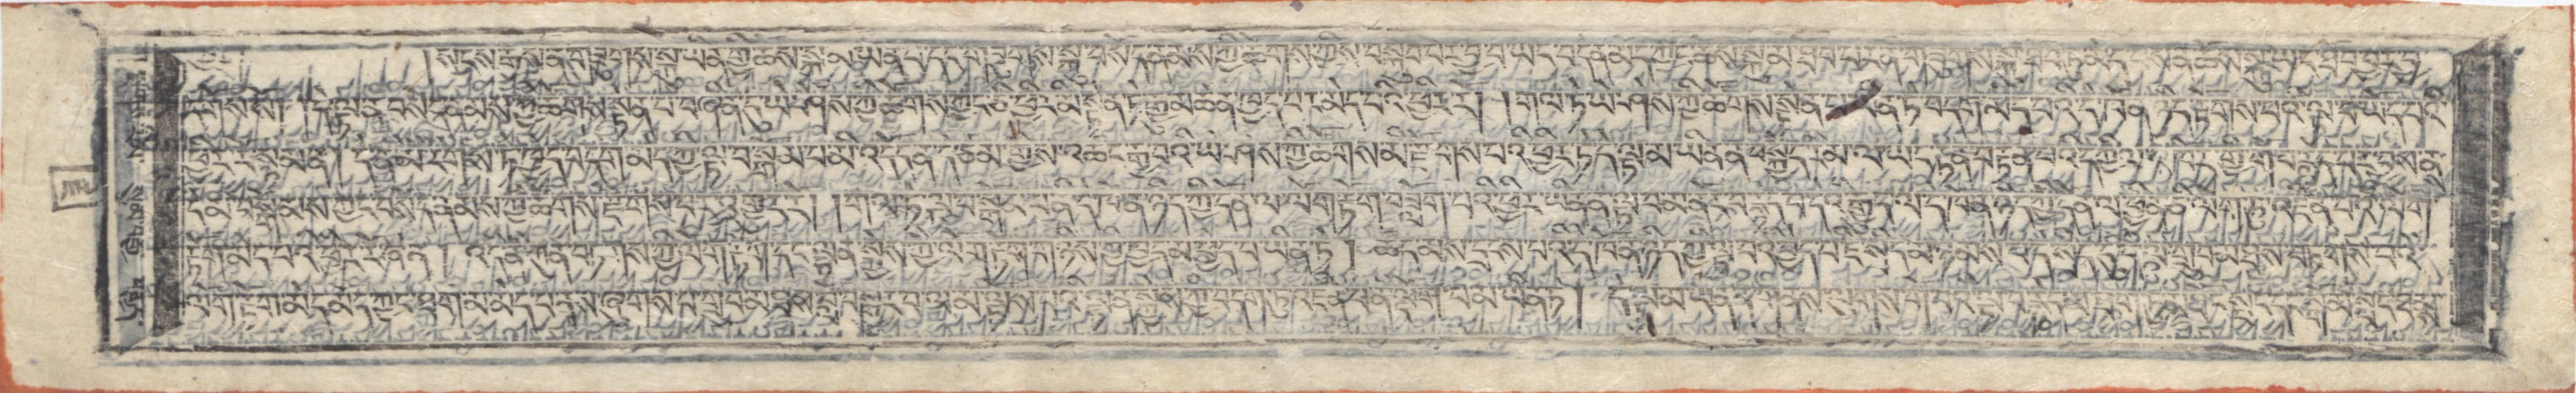༄༅། །སངས་རྒྱས་ན་གཟུགས་སྐུ་ཡིན་གྱི་ཆོས་སྐུ་མ་ཡིན་པ་དང་གཟུགས་སྐུ་བསོད་ནམས་ཀྱི་ཚོགས་ཀྱིས་བསྒྲུབ་པར་བྱ་བ་ཡང་བདེན་མོད་ཀྱང་ཆོས་སྐུ་མ་ཐོབ་པར་ནི་གཟུགས་སྐུ་ཐོབ་ཏུ་མེད་པས་ན་ཆོས་སྐུ་ཡང་ཐོབ་བྱར་བྱ་
དགོས་སོ། །དེ་ལྟ་ན་བསོད་ནམས་ཀྱི་ཚོགས་སྟེན་པ་བཞིན་དུ་ཡེ་ཤེས་ཀྱི་ཚོགས་ཀྱང་ཅི་ཕྱིར་མི་སྟེན་ཏེ་རྒྱུ་མཚན་ཁྱད་པར་མེད་པའི་ཕྱིར་རོ། །གལ་ཏེ་ཡེ་ཤེས་ཀྱི་ཚོགས་སྟེན་པ་ཡིན་ཏེ་བདག་མེད་པའི་དེ་ཁོ་ན་ཉིད་རྟོགས་པའི་ལྟ་བ་ཡོད་པའི་
ཕྱིར་རོ་སྙམ་ན། དེ་ནི་མི་རིགས་ཏེ་ཁྱེད་བདག་མེད་ཀྱི་ལྟ་བ་སྒོམ་པ་མི་འདོད་ན་དེ་ཙམ་གྱིས་འཚང་རྒྱ་བའི་ཡེ་ཤེས་ཀྱི་ཚོགས་མི་རྫོགས་པའི་ཕྱིར་ཏེ་དེ་ལྟ་མ་ཡིན་ན་བསྐྱེད་རིམ་ལ་ཡང་རྟན་བརྟེན་པའི་དཀྱིལ་འཁོར་གྱི་གོ་བ་རྙེད་པར་བྱས་ནས་
དེ་མ་བསྒོམས་ཀྱང་བསོད་ནམས་ཀྱི་ཚོགས་རྫོགས་པར་འགྱུར་རོ། །གལ་ཏེ་ལྟ་བ་སྒོམ་པ་ནི་དེ་ཁོ་ན་ཉིད་ཀྱི་དོན་ལ་ལོག་རྟོག་བཟློག་པའི་ཕྱིར་ཡིན་ན་ལྟ་བ་མ་ནོར་བ་རྙེད་པ་དེའི་རྒྱུད་ལ་དེ་ཁོ་ན་ཉིད་ཀྱི་དོན་ལ་ཕྱིན་ཅི་ལོག་ཏུ་འཛིན་པའི་ལོག་
རྟོག་མེད་པའི་ཕྱིར་རོ་ཞེ་ན། འདི་ནི་ཀུན་བཏགས་ཀྱི་ལོག་རྟོག་དང་ལྷན་སྐྱེས་ཀྱི་ལོག་རྟོག་གཉིས་ཀྱི་ཁྱད་མ་ཕྱེད་པ་ཡིན་ཏེ། ཚད་མས་དྲངས་པའི་དེ་ཁོ་ན་ཉིད་ཀྱི་ལྟ་བའི་བྱེད་པ་ཇི་སྲིད་མ་ཉམས་པ་དེ་སྲིད་དུ་དེ་ལ་གྲུབ་མཐས་བཏགས་པའི་
ལོག་རྟོག་མེད་མོད་ཀྱང་ཐོག་མ་མེད་པ་ནས་ཞུགས་པ་གྲུབ་མཐས་བློ་བསྒྱུར་བ་ལ་མ་ལྟོས་པའི་ལྷན་སྐྱེས་ཀྱི་བདག་ཏུ་འཛིན་པ་ནི་ལྡོག་པ་མ་ཡིན་ཏེ། དེ་ལྟ་མ་ཡིན་ན་གནས་ལུགས་གོ་བའི་ལྟ་བ་རྙེད་མ་ཐག་ཏུ་མཐོང་སྤང་དང་སྒོམ་སྤང་ཐམས་